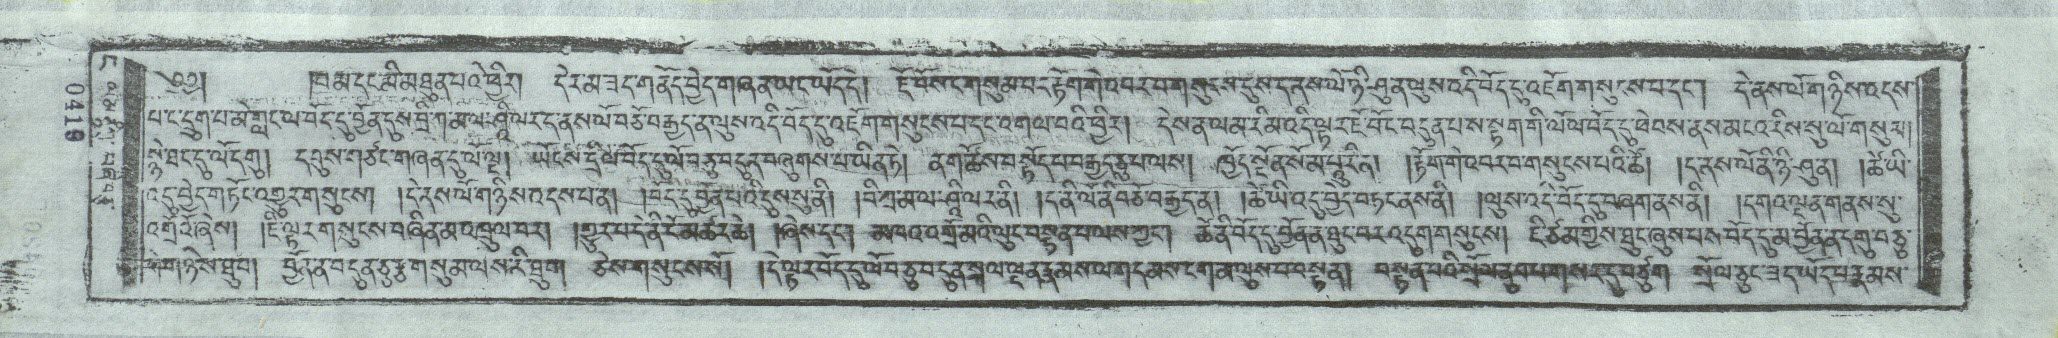༄༅། །བམ་དང་མི་མཐུན་པའི་ཕྱིར། དེར་མ་ཟད་གནོད་བྱེད་གཞན་ཡང་ཡོད་དེ། ཇོ་བོས་ང་གསུམ་པར་རྟོག་གེ་འབར་བ་གསུངས་དུས་ད་ནས་སོ་ཉི་ཤུ་ན་ལུས་?་བོད་རུ་འཇོག་གསུམ་བ་དང་། དེ་ནས་ལོ་གཉིས་འདས་
པ་ང་དྲུག་པ་མེ་གླང་ལ་བོད་དུ་བྱོན་དུས་བྲི་ཀ་མ་ལ་ཤཱི་ལར་ད་ནས་ལོ་བཅོ་བརྒྱད་ན་ལུས་འདི་བོད་དུ་འཇོག་གསུངས་པ་དང་འགལ་བའི་ཕྱིར། དེས་ན་ལམ་རིམ་འདི་ལྟར་ཇོ་བོ་ང་བདུན་པ་ས་སྟག་གི་ལོ་ལ་བོད་དུ་ཕེབས་ནས་མདའ་རིས་སུ་ལོ་གསུམ།
སྙེ་ཐང་དུ་ལོ་དགུ། དབུས་གཙང་གཞན་དུ་ལོ་ལྔ། ཡོངས་དྲིལ་བོད་དུ་ལོ་བཅུ་བདུན་བཞུགས་པ་ཡིན་ཏེ། ནག་ཚོས་བསྟོད་པ་བརྒྱད་ཅུ་པ་ལས། ཁྱོད་སྔོན་སོ་མ་པཱུ་རིན། །རྟོག་གེ་འབར་བ་གསུངས་པའི་ཚེ། །ད་ནས་ལོ་ནི་ཉི་ཤ་ན། །ཚེ་ཡི་
འདུ་བྱེད་གཏོང་འགྱུར་གསུངས། །དེ་ནས་ལོ་གཉིས་འདས་པ་ན། །བོད་དུ་བྱོན་པའི་དུས་སུ་ནི། །བི་ཀྲ་མ་ལ་ཤཱི་ལར་ནི། །ད་ནི་ལོ་ནི་བཅོ་བརྒྱད་ན། །ཚེ་ཡི་འདུ་བྱེད་བཏང་ནས་ནི། །ལུས་འདི་བོད་དུ་བཞག་ནས་ནི། །དགའ་ལྡན་གནས་སུ་
འགྲོའོ་ཞེས། །ཇི་ལྟར་གསུངས་བཞིན་མ་འཁྲུལ་བར། །གྱུར་པ་དེ་ནི་ངོ་མཚར་ཆེ། །ཞེས་དང་། མཁའ་འགྲོ་མའི་ལུང་བསྟན་པ་ལས་ཀྱང་། ཆོ་ནི་བོད་དུ་བྱོན་ན་ཐུང་བར་འདུག་གསུངས། ཇི་ཙམ་གྱིས་ཐུང་ཞུས་པས་བོད་དུ་མ་བྱོན་ན་དགུ་བཅུ་
གེ་གཉིས་ཐུབ། བྱོན་ན་བདུན་ཅུ་རྩ་གསུམ་ལས་ནི་ཐུབ། ཅེས་གསུངས་སོ། །དེ་ལྟར་བོད་དུ་ལོ་བཅུ་བདུན་སྐལ་ལྡན་རྣམས་ལ་གདམས་ངག་མ་ལུས་པ་བསྟན། བསྟན་པའི་སྲོལ་ནུབ་པ་གསར་དུ་བཙུག་སྲོལ་ཅུང་ཟད་ཡོད་པ་རྣམས་